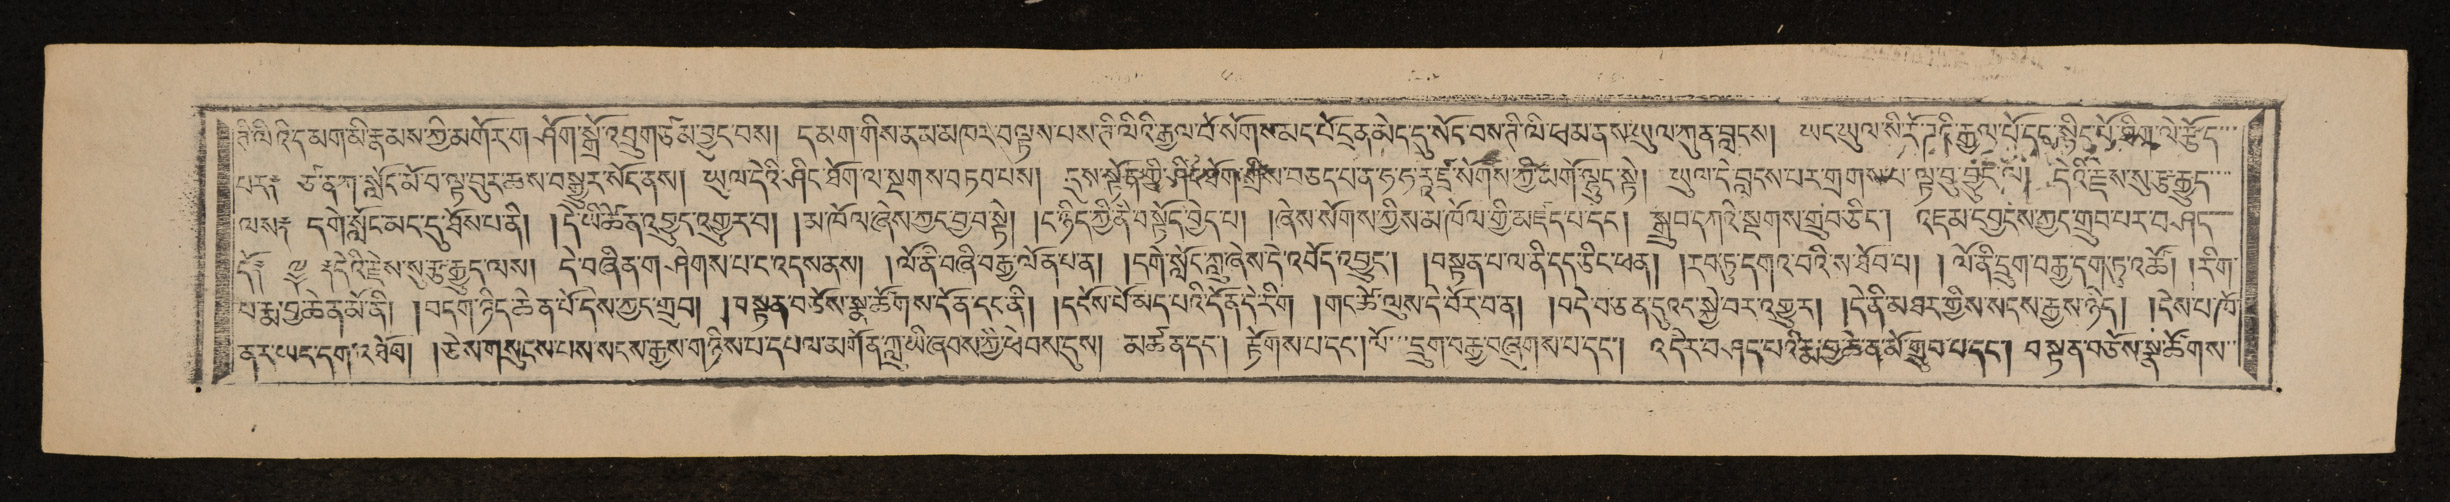ཊི་ལིའི་དམག་མི་རྣམས་ཀྱི་མགོར་གཤོག་སྒྲོ་འབྲུག་ཙམ་བྱུང་བས། དམག་གིས་ནམ་མཁར་བལྟས་པས་ཊི་ལིའི་རྒྱལ་པོ་སོགས་མང་པོ་དྲན་མེད་དུ་སོང་བས་ཊི་ལི་ཕམ་ནས་ཡུལ་ཀུན་བླངས། ཡང་ཡུལ་སི་རོ་ཌའི་རྒྱལ་པོ་དང་སྙིང་པོ་ཐིག་ལེ་རྩོད་
པར༑ ཙན་ཀ་སློང་མོ་བལྟ་བུར་ཆས་བསྒྱུར་སོང་ནས། ཡུལ་དེའི་ཤིང་ཐོག་ལ་སྔགས་བཏབ་པས། དུས་སྟོན་གྱི་ཤིང་ཐོག་གྲིས་བཅད་པ་ན་ཧ་ཧ་རཱ་ཛཾ་སོགས་ཀྱི་མགོ་ལྷུང་སྟེ། ཡུལ་དེ་བླངས་པར་གྲགས་པ་ལྟ་བུ་བྱུང་ལ། དེའི་རྗེས་སུ་རྩ་རྒྱུད་
ལས༑ དགེ་སློང་མང་དུ་ཐོས་པ་ནི། །དེ་ཡི་ཚེ་ན་འབྱུང་འགྱུར་བ། །མ་ཁོལ་ཞེས་ཀྱང་བྱ་བ་སྟེ། །ང་ཉིད་ཀྱི་ནི་བསྟོད་བྱེད་པ། །ཞེས་སོགས་ཀྱིས་མ་ཁོལ་གྱི་མཛད་པ་དང་། སྒྲུབ་དཀའི་སྔགས་གྲུབ་ཅིང་། འཇམ་དབྱངས་ཀྱང་གྲུབ་པར་བཤད་
དོ༑ ༈ ༑དེའི་རྗེས་སུ་རྩ་རྒྱུད་ལས། དེ་བཞིན་གཤེགས་པ་ང་འདས་ནས། །ལོ་ནི་བཞི་བརྒྱ་ལོན་པ་ན། །དགེ་སློང་ཀླུ་ཞེས་དེ་འབོད་འབྱུང་། །བསྟན་པ་ལ་ནི་དད་ཅིང་ཕན། །རབ་ཏུ་དགའ་བའི་ས་ཐོབ་པ། །ལོ་ནི་དྲུག་བརྒྱ་དག་ཏུ་འཚོ། །རིག་
པ་རྨ་བྱ་ཆེན་མོ་ནི། །བདག་ཉིད་ཆེན་པོ་དེས་ཀྱང་གྲུབ། །བསྟན་བཅོས་སྣ་ཚོགས་དོན་དང་ནི། །དངོས་པོ་མེད་པའི་དོན་དེ་རིག །གང་ཚེ་ལུས་དེ་བོར་བ་ན། །བདེ་བ་ཅན་དུའང་སྐྱེ་བར་འགྱུར། །དེ་ནི་མཐར་གྱིས་སངས་རྒྱས་ཉིད། །ངེས་པ་ཁོ་
ནར་ཡང་དག་འཐོབ། །ཅེས་གསུངས་པས་སངས་རྒྱས་གཉིས་པ་དཔལ་མགོན་ཀླུ་ཡི་ཞབས་ཀྱི་ཕེབས་དུས། མཚན་དང་། རྟོགས་པ་དང་། ལོ་དྲུག་བརྒྱ་བཞུགས་པ་དང་། འདིར་བཤད་པའི་རྨ་བྱ་ཆེན་མོ་གྲུབ་པ་དང་། བསྟན་བཅོས་སྣ་ཚོགས་